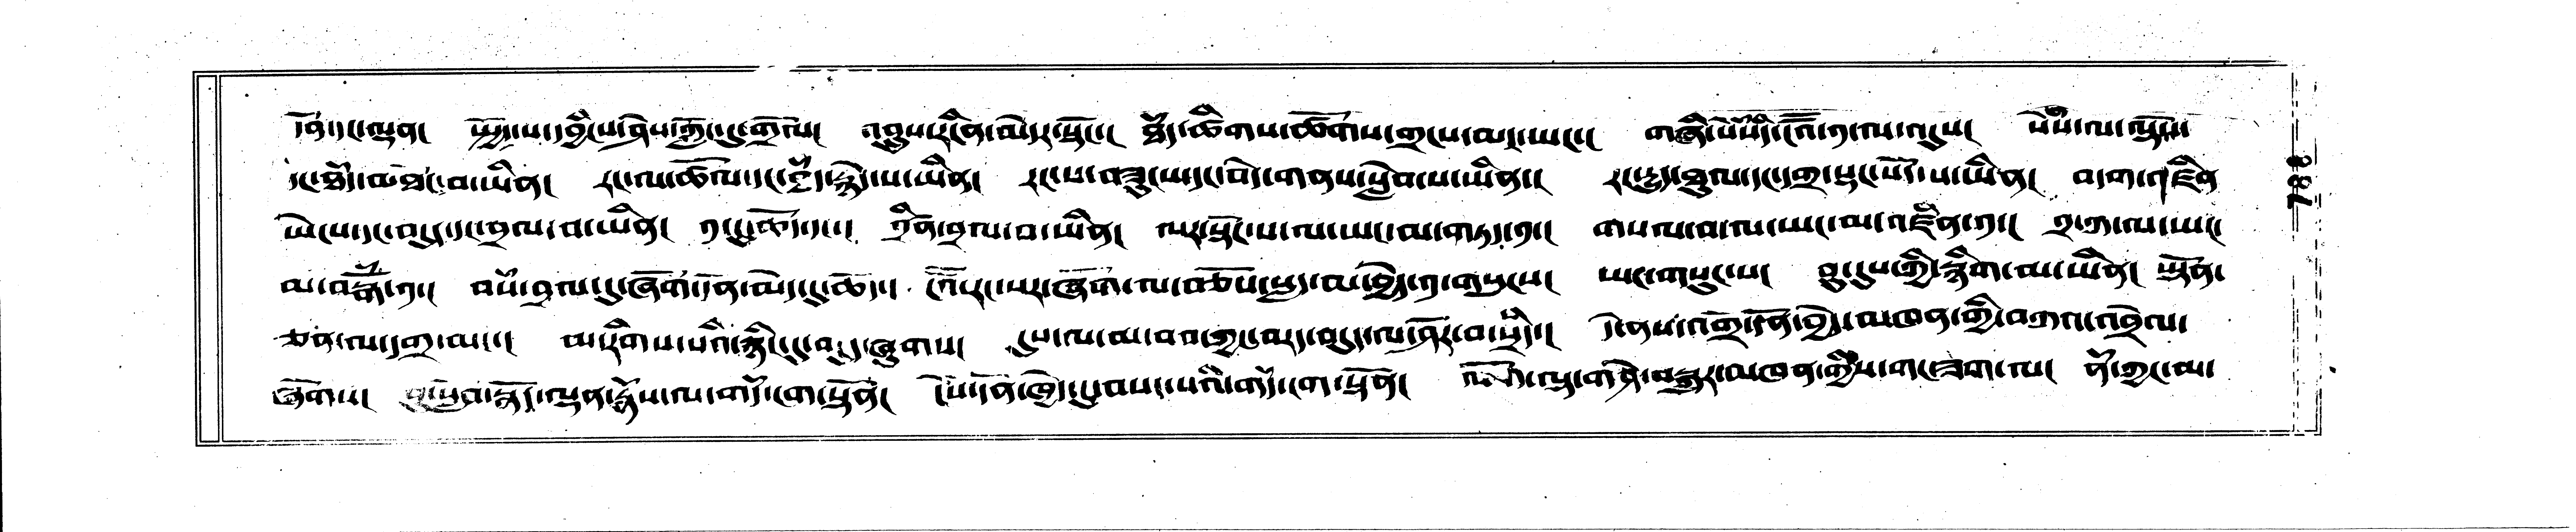དོན་དང་ལྡན་པར་མཛོད་ཅིག་གསུངས། ལྟ་བ་ལྟ་མཁན་དབྱིངས་སུ་སྟོང་། །སྒོམ་པ་སྤྲོས་བྲལ་དོན་དང་ལྡན། །སྤྱོད་པ་དབྱིངས་ཤེས་ཀློང་དུ་གྲོལ། །འབྲས་བུ་རང་བཞིན་མེད་པར་སྟོང་། །ཐམས་ཅད་ཚིག་ཚོགས་གྲངས་མང་ཡང་། །གཞི་སེམས་ཉིད་ངོའོ་གཅིག་ལ་འདུས། །སེམས་ལ་ལྟོས་
དང་ཐམས་ཅད་མཐོང་བ་ཡིན། །རང་ལ་ཚོལ་དང་ཐམས་ཅད་རྙེད་པ་ཡིན། །རང་ས་ཟུངས་དང་བདེ་གནས་བསླེབས་པ་ཡིན། །རང་རྒྱུད་ཐུལ་དང་དགྲ་སྡང་སོད་པ་ཡིན། །བདག་འཛིན་
ཡེངས་དང་བདུད་དང་བྲལ་བ་ཡིན། །གཅིག་ཏུ་ཆོད་དང་གཉིས་འཛིན་བྲལ་བ་ཡིན། །ལར་སྟོང་པ་ལ་ཡང་མ་གཏད་ཅིག གསལ་བ་ལ་ཡང་མ་འཛིན་ཅིག གཉིས་ཀ་ལ་ཡང་
མ་སྒོམས་ཅིག བསམ་བྲལ་དུ་ཞོག དོན་མེད་དུ་ཆོད། ངོའོ་རང་སར་ཞོག་ལ་བཅོས་སླད་མ་བྱེད་ཅིག་གསུངས། ཡང་གསུངས་པ། བུ་དུས་ཀྱི་སྙིགས་མ་ཡིན། ཡོན་ཏན་
ཅན་ལ་དགྲ་མང་། མ་རིག་པའི་སྙིང་དུ་བདུད་ཞུགས། དུས་ལ་མ་བབ་ཀྱང་བར་ཆད་བདུད་ལ་ཤོར་བ་སྲིད། དེ་ནི་འགྲོ་དོན་བྱེད་མཁན་གྱི་བཀའ་འབྲེལ་
ཞོག བུ་སློབ་སྣོད་ལྡན་རྣམས་ལ་གདམས་ངག་སྟོན། །ངེས་དོན་ཁྱད་དུ་བསད་པའི་གདམས་ངག་སྟོན། །ལོག་ལྟ་གཤེ་བསྐུར་མཁན་གྱི་གང་ཟག་ལ། །ནམ་ཀྱང་༼ཡང་༽མ་